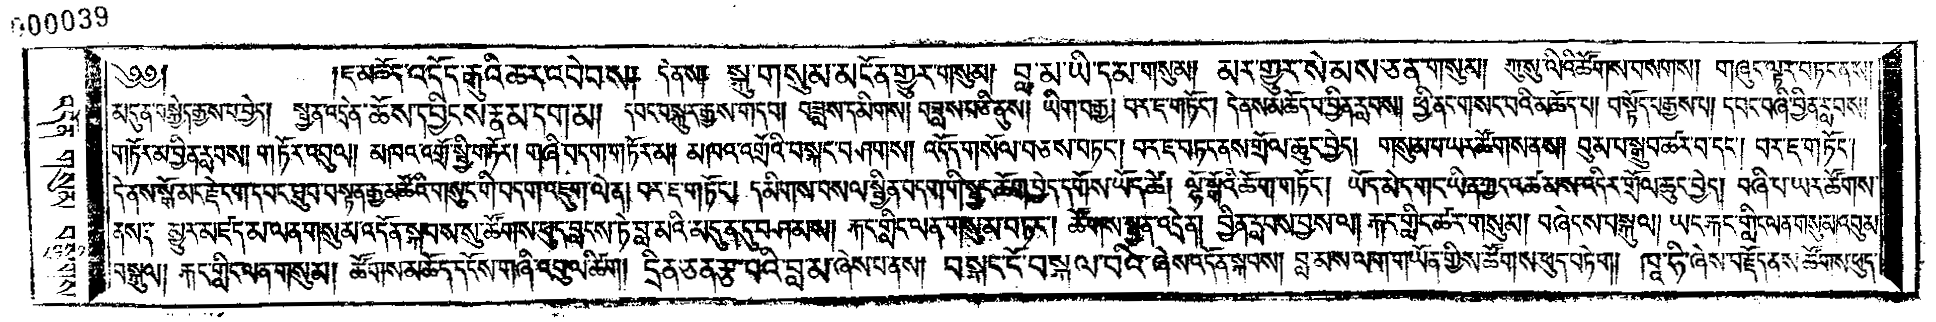༄༅། །ཇ་མཆོད་འདོད་རྒུའི་ཆར་འབེབས། དེ་ནས།  སྐུ་གསུམ་མངོན་གྱུར་གསུམ།  བླ་མ་ཡི་དམ་གསུམ།  མར་གྱུར་སེམས་ཅན་གསུམ། ཀུ་སུ་ལིའི་ཚོགས་བསགས། གཞུང་ལྟར་བཏང་ནས།
མདུན་བསྐྱེད་རྒྱས་པ་བྱེད། སྤྱན་འདྲེན་ཆོས་དབྱིངས་རྣམ་དག་མ། དབང་བསྐུར་རྒྱས་གདབ། བཟླས་དམིགས། བཟླས་པ་ཅི་ནུས། ཡིག་བརྒྱ། བར་ཇ་གཏོང་། དེ་ནས་མཆོད་པ་བྱིན་རླབས། ཕྱི་ནང་གསང་བའི་མཆོད་པ། བསྟོད་པ་རྒྱས་པ། དབང་བཞི་བྱིན་རླབས།
གཏོར་མ་བྱིན་རླབས། གཏོར་འབུལ། མཁའ་འགྲོ་སྤྱི་གཏོར། གཞི་བདག་གཏོར་མ། མཁའ་འགྲོའི་བསྐང་བཤགས། འདོད་གསོལ་བཅས་བཏང་། བར་ཇ་བཏང་ནས་གྲོལ་ཆུང་བྱེད། གསུམ་པ་ཡར་ཚོགས་ནས། བུམ་པ་སྒྲུབ་ཚར་བ་དང་། བར་ཇ་གཏོང་།
དེ་ནས་སྒོ་མང་རྗེ་ངག་དབང་ཐུབ་བསྟན་རྒྱ་མཚོའི་གསུང་གི་བདག་འཇུག་ལེན། བར་ཇ་གཏོང་། དམིགས་བསལ་སྦྱིན་བདག་གི་སྦྱང་ཆོག་བྱེད་དགོས་ཡོད་ཚེ། ལྷོ་སྒོའི་ཆོ་ག་གཏོང་། ཡོད་མེད་གང་ཡིན་ཀྱང་འཚམས་འདིར་གྲོལ་ཆུང་བྱེད། བཞི་པ་ཡར་ཚོགས་
ནས༑ མྱུར་མཛད་མ་ལན་གསུམ་འདོན་སྐབས་སུ་ཚོགས་ཕུད་བླངས་ཏེ་བླ་མའི་མདུན་དུ་བཤམས། རྐང་གླིང་ལན་གསུམ་བཏང་། ཚོགས་སྤྱན་འདྲེན། བྱིན་རླབས་བྱས་ལ། རྐང་གླིང་ཚར་གསུམ། བཞེངས་བསྐུལ། ཡང་རྐང་གླིང་ལན་གསུམ། འབུམ་
བསྐུལ། རྐང་གླིང་ལན་གསུམ། ཚོགས་མཆོད་དངོས་གཞི་འབུལ་ཚིག ། དྲིན་ཅན་རྩ་བའི་བླ་མ་ཞེས་པ་ནས།  བསྐང་ངོ་བསྐལ་བའི་ཞེས་འདོན་སྐབས། བླ་མས་ལག་གཡོན་གྱིས་ཚོགས་ཕུད་བཏེག་།ཁཱ་ཧི་ཞེས་བརྗོད་ནས་ཚོགས་ཕུ་